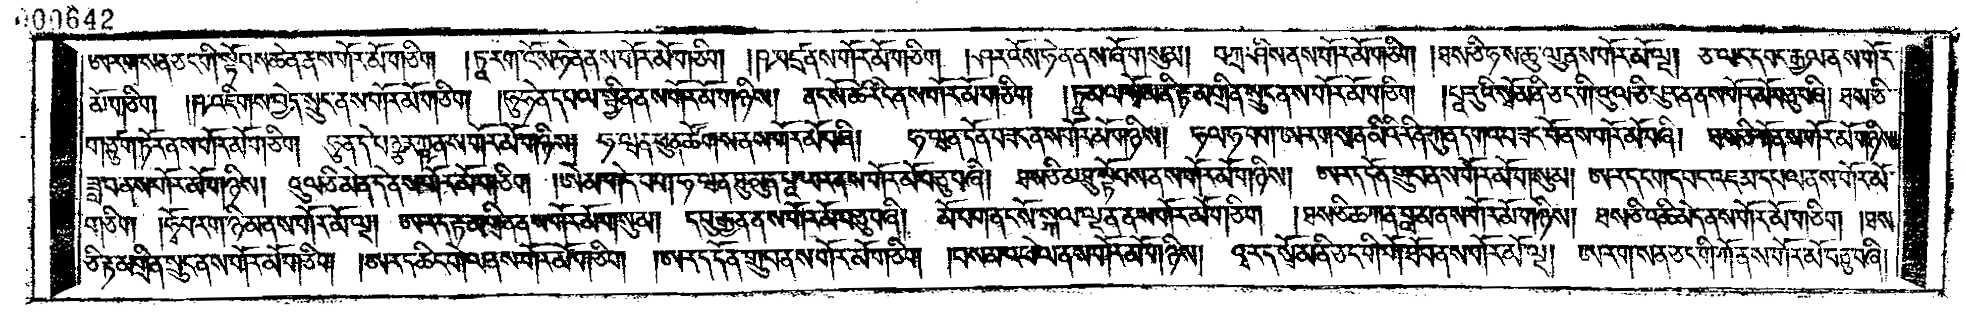ཨ་རག་སན་ཅང་གི་སྟོབས་ཆེན་ནས་གོར་མོ་གཅིག །ཏཱ་རག་འོས་ཧེན་ནས་གོར་མོ་གཅིག །ཥ་བཛྲ་ནས་གོར་མོ་གཅིག །ཤར་འོས་ཧེན་ནས་ཞོ་གསུམ། བཀྲ་ཤིས་ནས་གོར་མོ་གཅིག །ཐས་ཅི་ཧ་ས་ཆུ་ལུ་ནས་གོར་མོ་ལྔ། ཅ་ལང་དབང་རྒྱལ་ནས་གོར་
མོ་གཅིག །ཥ་འཇིགས་བྱེད་སྲུང་ནས་གོར་མོ་གཅིག །ཧུ་ཧེན་དཔལ་སྦྱིན་ནས་གོར་མོ་གཉིས། ནང་སོ་ཚེ་རིང་ནས་གོར་མོ་གཅིག །ཏཱ་མལ་སྭོམ་ནི་རྟ་མགྲིན་སྲུང་ནས་གོར་མོ་གཅིག །པཱ་རུའི་སྭོམ་ནི་ཅང་གི་འུལ་ཅི་པུ་རན་ནས་གོར་མོ་བཅུ་བཞི། ཐས་ཅི་
གཙུག་ཏོར་ནས་གོར་མོ་གཅིག །ཧུན་དེ་པཉྩ་རཀྵ་ནས་གོར་མོ་གཉིས། ཧ་ཝན་ཕུན་ཚོགས་ནས་གོར་མོ་བཞི། ཧ་ཝན་དོན་བཟང་ནས་གོར་མོ་གཉིས། ཧལ་ཧ་བག་ཨ་རག་སྭན་མིའི་རིན་ཀུན་དགའ་བཟང་པོ་ནས་གོར་མོ་བཞི། ཐས་ཅི་ཀོ་ནས་གོར་མོ་གཉིས།
ཟླ་བ་ནས་གོར་མོ་གཉིས། འུལ་ཅི་མེན་དེ་ནས་གོར་མོ་གཅིག །ཨེམ་གེད་བག་ཧ་ཝན་ཐུ་མུན་པཱ་ཡར་ནས་གོར་མོ་བཅུ་བཞི། ཐས་ཅི་མཐུ་སྟོབས་ནས་གོར་མོ་གཉིས། ཨ་རད་དོན་གྲུབ་ནས་གོར་མོ་གསུམ། ཨ་རད་ངག་དབང་འཇམ་དཔལ་ནས་གོར་མོ་
གཅིག ༑ཧྭོབ་རག་ཉི་མ་ནས་གོར་མོ་ལྔ། ཨ་རད་རྟ་མགྲིན་ནས་གོར་མོ་གསུམ། དབུ་རྒྱན་ནས་གོར་མོ་བཅུ་བཞི། མོ་བག་ནང་སོ་སྐལ་ལྡན་ནས་གོར་མོ་གཅིག །ཐས་ཅི་ཆ་ཀན་བླ་མ་ནས་གོར་མོ་གཉིས། ཐས་ཅི་འཆི་མེད་ནས་གོར་མོ་གཅིག །ཐས་
ཅི་རྟ་མགྲིན་སྲུང་ནས་གོར་མོ་གཅིག །ཨ་རད་ཆིང་གེལ་ནས་གོར་མོ་གཅིག །ཨ་རད་དོན་གྲུབ་ནས་གོར་མོ་གཅིག །བསམ་འཕེལ་ནས་གོར་མོ་གཉིས། འྭ་རད་སྭོམ་ནི་ཅང་གི་གོ་ཐོབ་ནས་གོར་མོ་ལྔ། ཨ་རག་སན་ཅང་གི་ཀོ་ནས་གོར་མོ་བཅུ་བཞི།